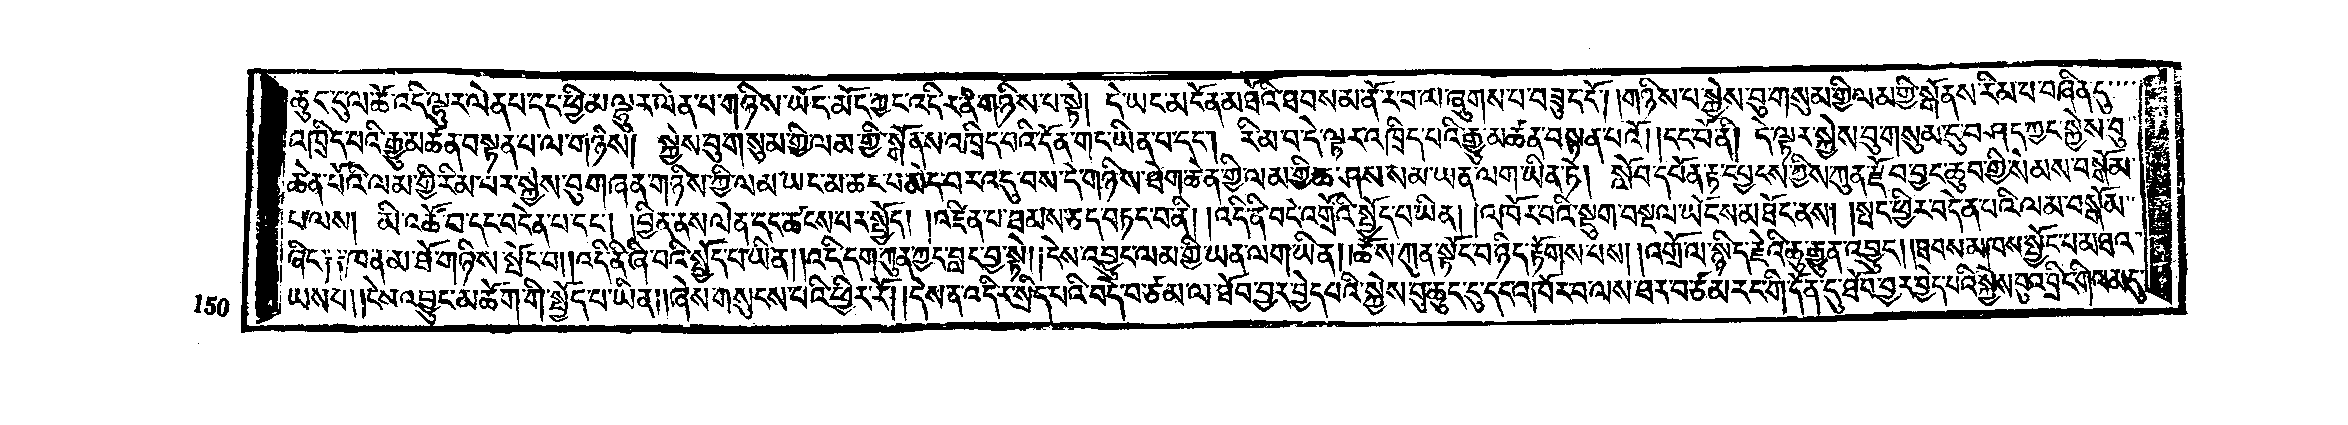ཆུང་ངུ་ལ་ཚེ་འདི་ལྷུར་ལེན་པ་དང་ཕྱི་མ་ལྷུར་ལེན་པ་གཉིས་ཡོད་མོད་ཀྱང་འདིར་ནི་གཉིས་པ་སྟེ། དེ་ཡང་མངོན་མཐོའི་ཐབས་མ་ནོར་བ་ལ་ཞུགས་པ་བཟུང་ངོ། །གཉིས་པ་སྐྱེས་བུ་གསུམ་གྱི་ལམ་གྱི་སྒོ་ནས་རིམ་པ་བཞིན་དུ་
འཁྲིད་པའི་རྒྱུ་མཚན་བསྟན་པ་ལ་གཉིས། སྐྱེས་བུ་གསུམ་གྱི་ལམ་གྱི་སྒོ་ནས་འཁྲིད་པའི་དོན་གང་ཡིན་པ་དང་། རིམ་པ་དེ་ལྟར་འཁྲིད་པའི་རྒྱུ་མཚན་བསྟན་པའོ། །དང་པོ་ནི། དེ་ལྟར་སྐྱེས་བུ་གསུམ་དུ་བཤད་ཀྱང་སྐྱེས་བུ་
ཆེན་པོའི་ལམ་གྱི་རིམ་པར་སྐྱེས་བུ་གཞན་གཉིས་ཀྱི་ལམ་ཡང་མ་ཚང་བ་མེད་པར་འདུ་བས་དེ་གཉིས་ཐེག་ཆེན་གྱི་ལམ་གྱི་ཆ་ཤས་སམ་ཡན་ལག་ཡིན་ཏེ། སློབ་དཔོན་རྟ་དབྱངས་ཀྱིས་ཀུན་རྫོབ་བྱང་ཆུབ་ཀྱི་སེམས་བསྒོམ་
པ་ལས། མི་འཚོ་བ་དང་བདེན་པ་དང་། བྱིན་ནས་ལེན་དང་ཚངས་པར་སྤྱོད། །འཛིན་པ་ཐམས་ཅད་བཏང་བ་ནི། །འདི་ནི་བདེ་འགྲོའི་སྤྱོད་པ་ཡིན། །འཁོར་བའི་སྡུག་བསྔལ་ཡོངས་མཐོང་ནས། །སྤང་ཕྱིར་བདེན་པའི་ལམ་བསྒོམ་
ཞིང༑ ༑ཁ་ན་མ་ཐོ་གཉིས་སྤོང་བ། །འདི་ནི་ཞི་བའི་སྤྱོད་པ་ཡིན། །འདི་དག་ཀུན་ཀྱང་བླང་བྱ་སྟེ། །དེས་འབྱུང་ལམ་གྱི་ཡན་ལག་ཡིན། །ཆོས་ཀུན་སྟོང་པ་ཉིད་རྟོགས་པས། །འགྲོ་ལ་སྙིང་རྗེའི་ཆུ་རྒྱུན་འབྱུང་། །ཐབས་མཁས་སྤྱོད་པ་མཐའ་
ཡས་པ། །ངེས་འབྱུང་མཆོག་གི་སྤྱོད་པ་ཡིན། །ཞེས་གསུངས་པའི་ཕྱིར་རོ། །དེས་ན་འདིར་སྲིད་པའི་བདེ་བ་ཙམ་ལ་ཐོབ་བྱར་བྱེད་པའི་སྐྱེས་བུ་ཆུང་ངུ་དང་འཁོར་བ་ལས་ཐར་བ་ཙམ་རང་གི་དོན་དུ་ཐོབ་བྱར་བྱེད་པའི་སྐྱེས་བུ་འབྲིང་གི་ལམ་དུ་